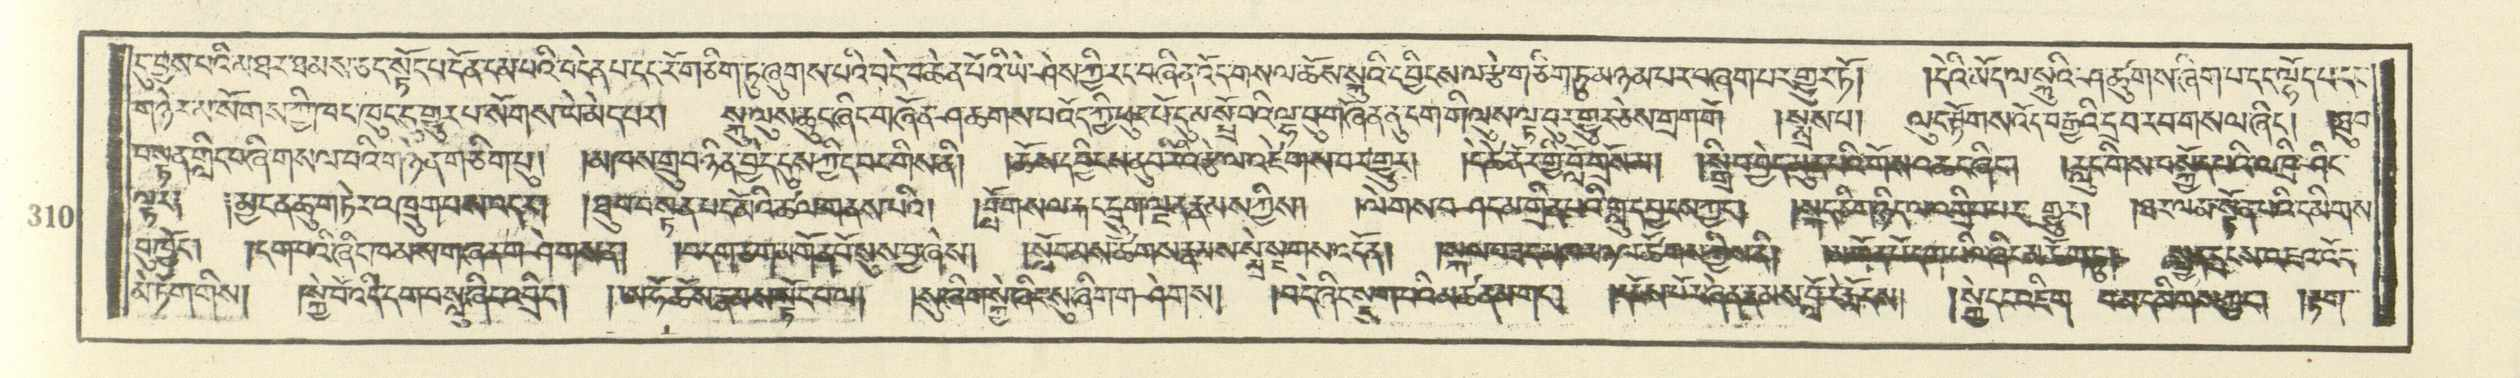དུ་བྱས་པའི་མཐར་ཐམས་ཅད་སྟོང་པ་དོན་དམ་པའི་བདེན་པ་དང་རོ་གཅིག་ཏུ་ཞུགས་པའི་བདེ་བ་ཆེན་པོའི་ཡེ་ཤེས་ཀྱི་རང་བཞིན་འོད་གསལ་ཆོས་སྐུའི་དབྱིངས་ལ་རྩེ་གཅིག་ཏུ་མཉམ་པར་བཞག་པར་གྱུར་ཏོ། །དེའི་མོད་ལ་སྐུའི་ཤ་ཚུགས་ཞིག་པ་དང་ལྷོད་པ་དང་
གཉེར་མ་སོགས་ཀྱི་ཁང་ཁུང་དུ་གྱུར་པ་སོགས་ཡེ་མེད་པར། སྐུ་ལུས་ཆུང་ཞིང་གཞོན་ཤ་ཆགས་པ་འོད་ཀྱི་ཕུང་པོ་དུ་མ་སྤྲོ་བའི་ལྷ་བུ་གཞོན་ནུ་ངག་གི་ལུས་ལྟ་བུར་གྱུར་ཅེས་གྲག་གོ །སྨྲས་པ། ལུང་རྟོགས་འོད་བརྒྱའི་དྲ་བ་རབ་གསལ་ཞིང་། །ཐུབ་
བསྟན་གླིང་བཞི་གསལ་བའི་གཉེན་གཅིག་པུ། །མཁས་གྲུབ་ཉིན་བྱེད་དུས་ཀྱི་དབང་གིས་ནི། །ཆོས་དབྱིངས་ནུབ་རིའི་རྩེལ་འཛེགས་པར་གྱུར། །དེ་ཚེ་ནོར་གྱི་བློ་གྲོས་མ། །སྒྲིབ་བྱེད་མུན་པའི་གོས་འཆང་ཞིང་། །རླུང་གིས་བསྐྱོད་པའི་འཁྲི་ཤིང་
ལྟར༑ ༑མྱ་ངན་ཆུ་གཏེར་འཁྲུག་པས་འདར། །ཐུབ་བསྟན་པད་མོའི་ཚལ་གནས་པའི། །བློ་གསལ་རྐང་དྲུག་ལྡན་རྣམས་ཀྱིས། །ལེགས་བཤད་མ་གྲིན་པའི་གླུ་དབྱངས་ཀྱང་། །སྐད་ཅིག་ཉིད་ལ་འགྲིབ་པར་གྱུར། །ཐར་ལམ་སྟོན་པའི་དམིགས་
བུ་ཁྱོད། །དག་པའི་ཞིང་ཁམས་གཞན་གཤེགས་ན། །བདག་ཅག་མགོན་པོ་སུས་བྱ་ཞེས། །སློབ་མས་ཚོགས་རྣམས་སྤྲེ་སྔགས་འདོན། །སྐལ་བཟང་མཁར་ཉལ་ཚོགས་ཀྱིས་ནི། །མགོན་པོ་དག་པའི་ཞིང་མཆོག་ཏུ། །སྤྱན་དྲངས་འཇའ་འོད་
མེ་ཏོག་གིས། །སྐྱེ་བོ་འདི་དག་བསླུ་ཞིང་འབྲིང་། །ཨ་ཧོ་ཆོས་རྣམས་སྟོང་བ་ལ། །སུ་ཞིག་སྐྱེ་ཞིང་སུ་ཞིག་གཤེགས། །བདེ་ཞིང་སྡུག་པའི་མཚན་མ་གང་། །དངོས་པོར་ཞེན་རྣམས་བློ་རེ་རྨོངས། །སྐྱེ་དང་འཇིག་པ་མ་དམིགས་ཀྱང་། །རྟག་